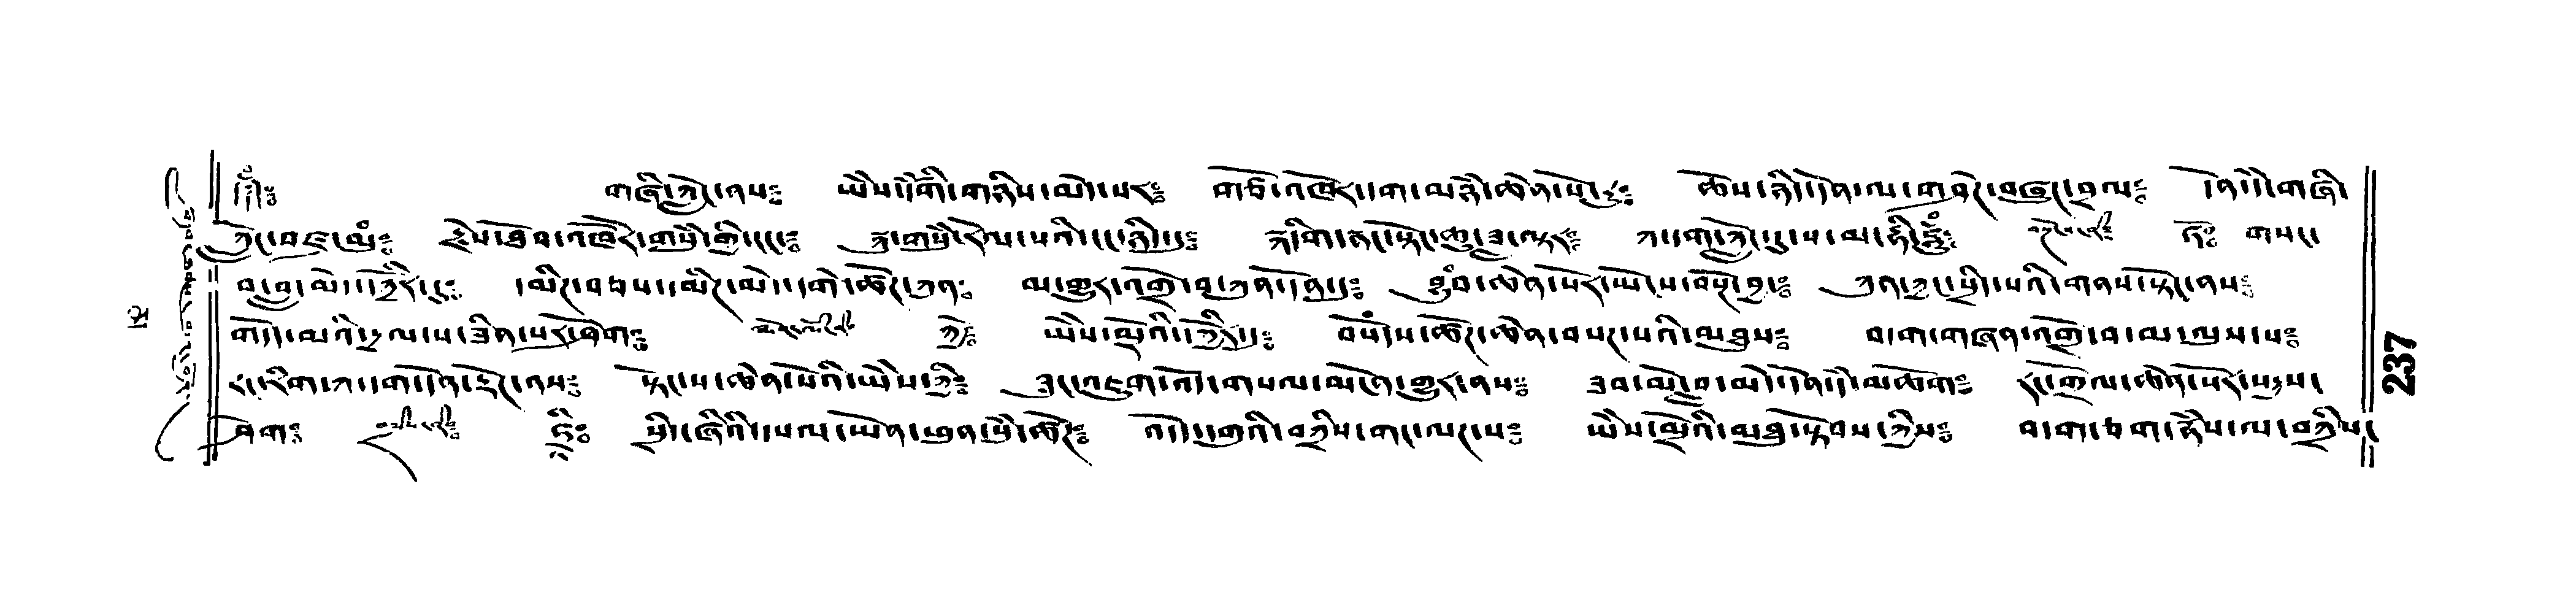གཞི་ཀློང་ནས༔ ཡེ་ཤེས་དམ་ཚིག་གཉིས་མེད་པར༔ གཙོ་འཁོར་དག་མཉམ་ཆེན་པོ་རུ༔ ཆོས་ཉིད་དོན་ལ་གཤེགས་བཞུགས་བྲལ༔ དོན་དམ་གཞི་
ཀློང་བཛྲ་མུཾ༔ རྗེས་ཐོབ་འཁོར་ལོ་གསུམ་གྱི་ངང༔ སྐུ་གསུམ་རོལ་པའི་ངང་ཉིད་དུ༔སྐད་ཅིག་སྣང་སྟོངས་ཆུ་ཟླ་ལྟར༔ ཀ་དག་ཀློང་དུ་ས་མ་དྷི་ཧཱུྃ༔ བསྔོ་བ་ནི༔ ཧོཿ གསང་
བ་བླ་མེད་དཀྱིལ་འཁོར་དུ༔ དམིགས་བཅས་དམིགས་མེད་དགེ་ཚོགས་ཀུན༔ མ་གྱུར་འགྲོ་བ་ཀུན་དོན་དུ༔ བྱང་ཆུབ་ཆེན་པོར་ཡོངས་བསྔོ་བྱ༔ ཀུན་ཀྱང་སྲིད་པའི་གནས་སྟོངས་ནས༔ 
གདོད་མའི་རྒྱལ་ས་ཟིན་པར་ཤོག༔ སྨོན་ལམ་ནིཿ ཀྱཻ༔ ཡེ་ཤེས་མཁའ་འགྲོའི་དཀྱིལ་འཁོར་དུ༔ བསོད་ནམས་ཚོགས་ཆེན་བསགས་པའི་མཐུས༔ བདག་གཞན་འགྲོ་བ་མ་ལུས་པ༔ 
རང་རིག་ཀ་དག་དོན་རྟོགས་ནས༔ སྟོང་པ་ཆེན་པོའི་ཡེ་ཤེས་ཀྱི༔ ཟུང་འཇུག་འོད་གསལ་མངོན་གྱུར་ནས༔ ཟབ་མོ་བླ་མེད་དོན་དམ་མཆོག༔ རང་གྲོལ་ཆེན་པོར་སངས་རྒྱས་
ཤོག༔ བཀྲ་ཤིས་ནི༔ ཧྲཱིཿ སྲིད་ཞིའི་དཔལ་ཡོན་ཕུན་སུམ་ཚོགས༔ འདོད་དགུའི་བཀྲ་ཤིས་གང་ལགས་པ༔ ཡེ་ཤེས་མཁའ་འགྲོའི་མཐུ་སྟོབས་ཀྱིས༔ བདག་ཅག་རྣམས་ལ་བཀྲ་ཤིས་